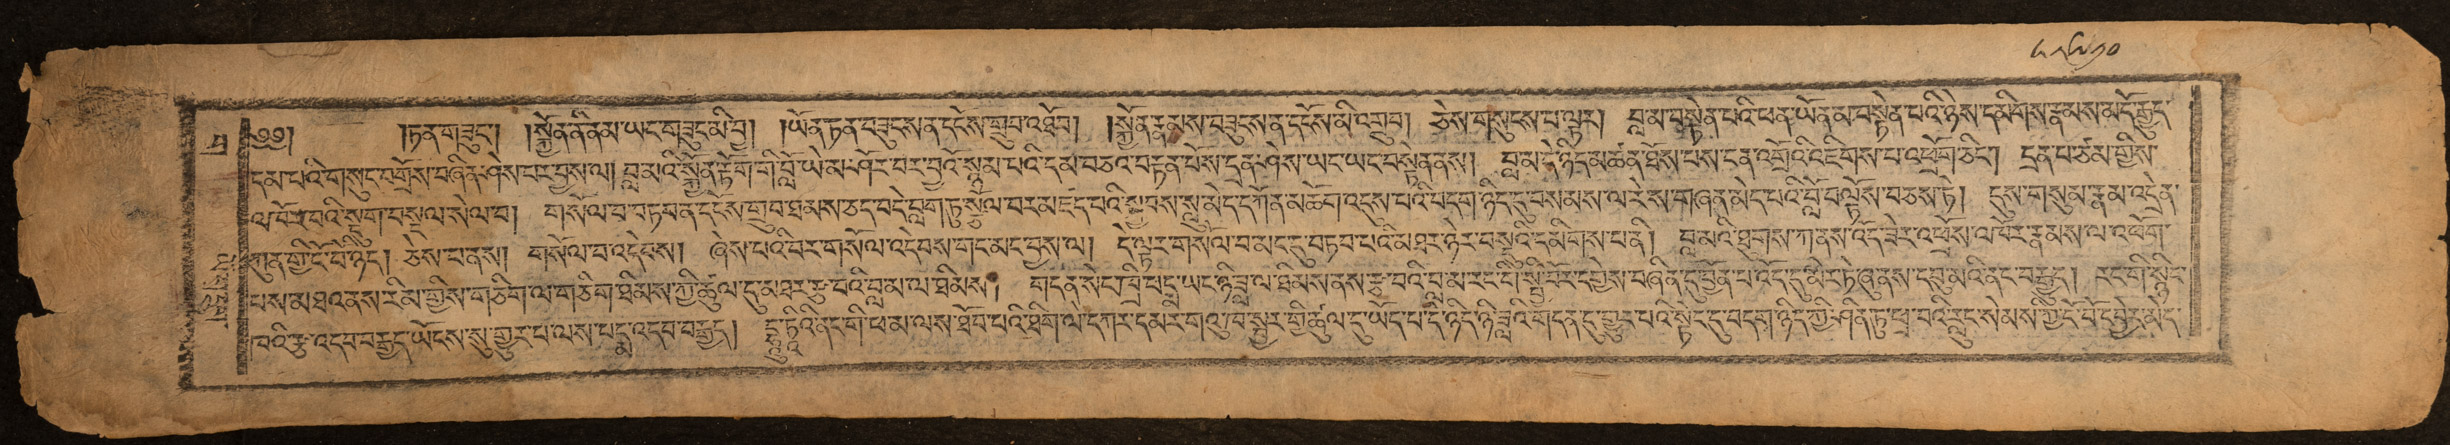༄༅། །ཏན་གཟུང་། །སྐྱོན་ནི་ནམ་ཡང་གཟུང་མི་བྱ། །ཡོན་ཏན་བཟུངས་ན་དངོས་གྲུབ་འཐོབ། །སྐྱོན་རྣམས་བཟུངས་ན་དངོས་མི་འགྲུབ། ཅེས་གསུངས་པ་ལྟར། བླ་མ་བསྟེན་པའི་ཕན་ཡོན་མ་བསྟེན་པའི་ཉེས་དམིགས་རྣམས་མདོ་རྒྱུད་
དམ་པའི་གསུངས་བགྲོས་བཞིན་ཤེས་པར་བྱས་ལ། བླ་མའི་སྐྱོན་རྟོག་གི་བློ་ཡེ་མ་ཤོར་བར་བྱའོ་སྙམ་པའི་དམ་བཅའ་བརྟན་པོས་དྲན་ཤེས་ཡང་ཡང་བསྟེན་ནས། བླ་མ་དེ་ཉིད་མཚན་ཐོས་པས་ངན་འགྲོའི་འཇིགས་པ་འཕྲོག་ཅིང་། དྲན་པ་ཙམ་གྱིས་
འཁོར་བའི་སྡུག་བསྔལ་སེལ་བ། གསོལ་བ་བཏབ་ན་དངོས་གྲུབ་ཐམས་ཅད་བདེ་བླག་ཏུ་སྩོལ་བར་མཛད་བའི་སྐྱབས་སླུ་མེད་དཀོན་མཆོག་འདུས་པའི་བདག་ཉིད་དུ་བསམས་ལ་རེ་ས་གཞན་མེད་པའི་བློ་བལྟོས་བཅས་ཏེ། དུས་གསུམ་རྣམ་འདྲེན་
ཀུན་གྱི་ངོ་བོ་ཉིད། ཅེས་པ་ནས། གསོལ་བ་འདེབས། ཞེས་པའི་བར་གསོལ་འདེབས་གང་མང་བྱས་ལ། ད་ལྟར་གསོལ་བ་མང་དུ་བཏབ་པའི་མཐར་ཉེར་བསྡུའི་དམིགས་པ་ནི། བླ་མའི་ཐུགས་ཀ་ནས་འོད་ཟེར་འཕྲོས་འཁོར་རྣམས་ལ་འཕོག་
པས་མཐའ་ནས་རིམ་གྱིས་གཅིག་ལ་གཅིག་ཐིམས་ཀྱི་ཚུལ་དུ་མཐར་རྩ་བའི་བླ་མ་ལ་ཐིམས། གདན་སེང་ཁྲི་པདམ་ཡང་ཉི་ཟླ་ལ་ཐིམས་ནས་རྩ་བའི་བླ་མ་རང་གི་སྤྱི་བོར་དགྱེས་བཞིན་དུ་བྱོན་པ་འོད་དུ་མེར་ཏེ་ཞུ་ནས་དབུ་མའི་ནང་བརྒྱུད། རང་གི་སྙིང་
ཁའི་རྩ་འདབ་བརྒྱད་ཡོངས་སུ་གྱུར་པ་ལས་པདམ་འདབ་བརྒྱད། དྷཱུ་ཏཱིའི་ནང་གི་ཕ་མ་ལས་ཐོབ་པའི་ཐིག་ལེ་དཀར་དམར་གའུ་ཁ་སྦྱར་གྱི་ཚུལ་དུ་ཡོད་པ་དེ་ཉིད་ཉི་ཟླའི་གདན་དུ་གྱུར་པའི་སྟེང་དུ་བདག་ཉིད་ཀྱི་ཤིན་ཏུ་ཕྲ་བའི་རླུང་སེམས་ཀྱི་ངོ་བོ་དབྱེར་མེད་